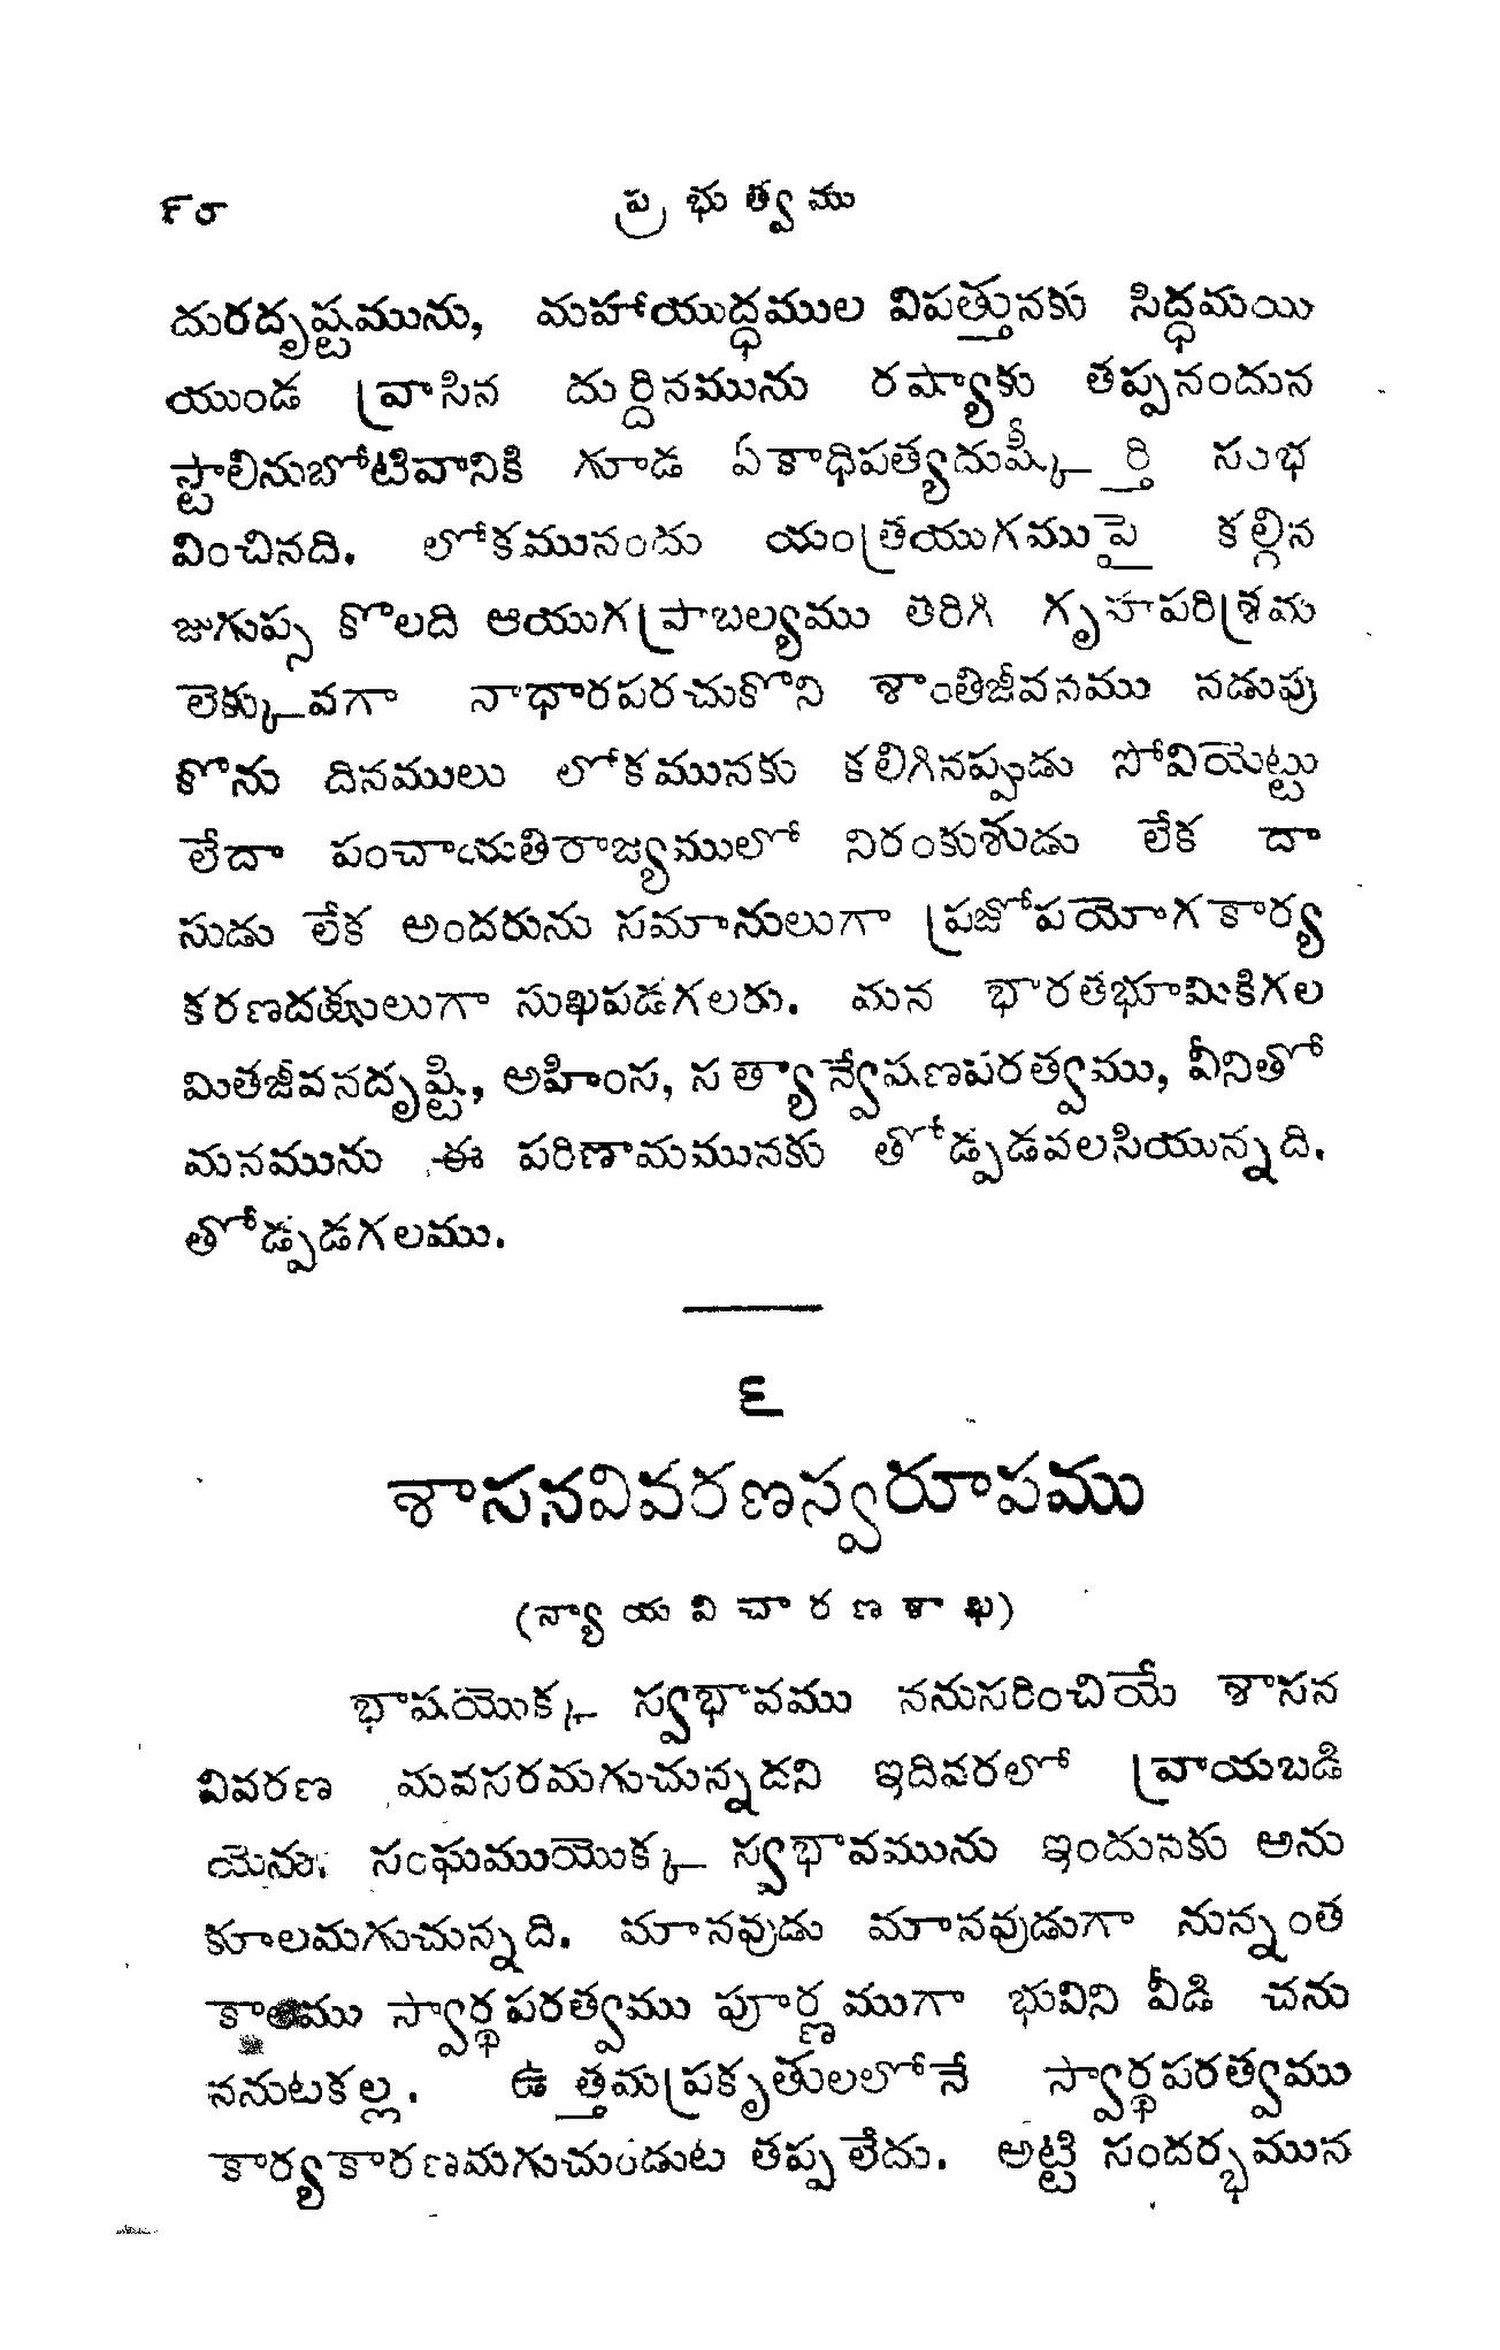దురదృష్టమును, మహాయుద్ధముల విపత్తునకు సిద్ధమయి యుండ వ్రాసిన దుర్దినమును రష్యాకు తప్పనందున స్టాలినుబోటివానికి గూడ ఏకాధిపత్యదుష్కీర్తి సంభవించినది. లోకమునందు యంత్రయుగముపై కల్గిన జుగుప్స కొలది ఆయుగప్రాబల్యము తరిగి గృహపరిశ్రమ లెక్కువగా నాధారపరచుకొని శాంతిజీవసము నడుపుకొను దినములు లోకమునకు కలిగినప్పుడు సోవియెట్టు
లేదా పంచాయతిరాజ్యములో నిరంకుశుడు లేక దాసుడు లేక అందరును సమానులుగా ప్రజోపయోగకార్యకరణదక్షులుగా సుఖపడగలరు. మన భారతభూమికిగల మితజీవనదృష్టి, అహింస, సత్యాన్వేషణపరత్వము, వీనితో మనమును ఈ పరిణామమునకు తోడ్పడవలసియున్నది.
తోడ్పడగలము.

_________

శాసనవివరణస్వరూపము

భాషయొక్క స్వభావము ననుసరించియే శాసన వివరణ మవసరమగుచున్నదని ఇదివరలో వ్రాయబడియెను. సంఘముయొక్క స్వభావమును ఇందునకు అనుకూలమగుచున్నది. మానవుడు మానవుడుగా నున్నంతకాలము స్వార్థపరత్వము పూర్ణముగా భువిని వీడి చను ననుటకల్ల. ఉత్తమప్రకృతులలోనే స్వార్థపరత్వము కార్యకారణమగుచుండుట తప్ప లేదు. అట్టి సందర్భమున